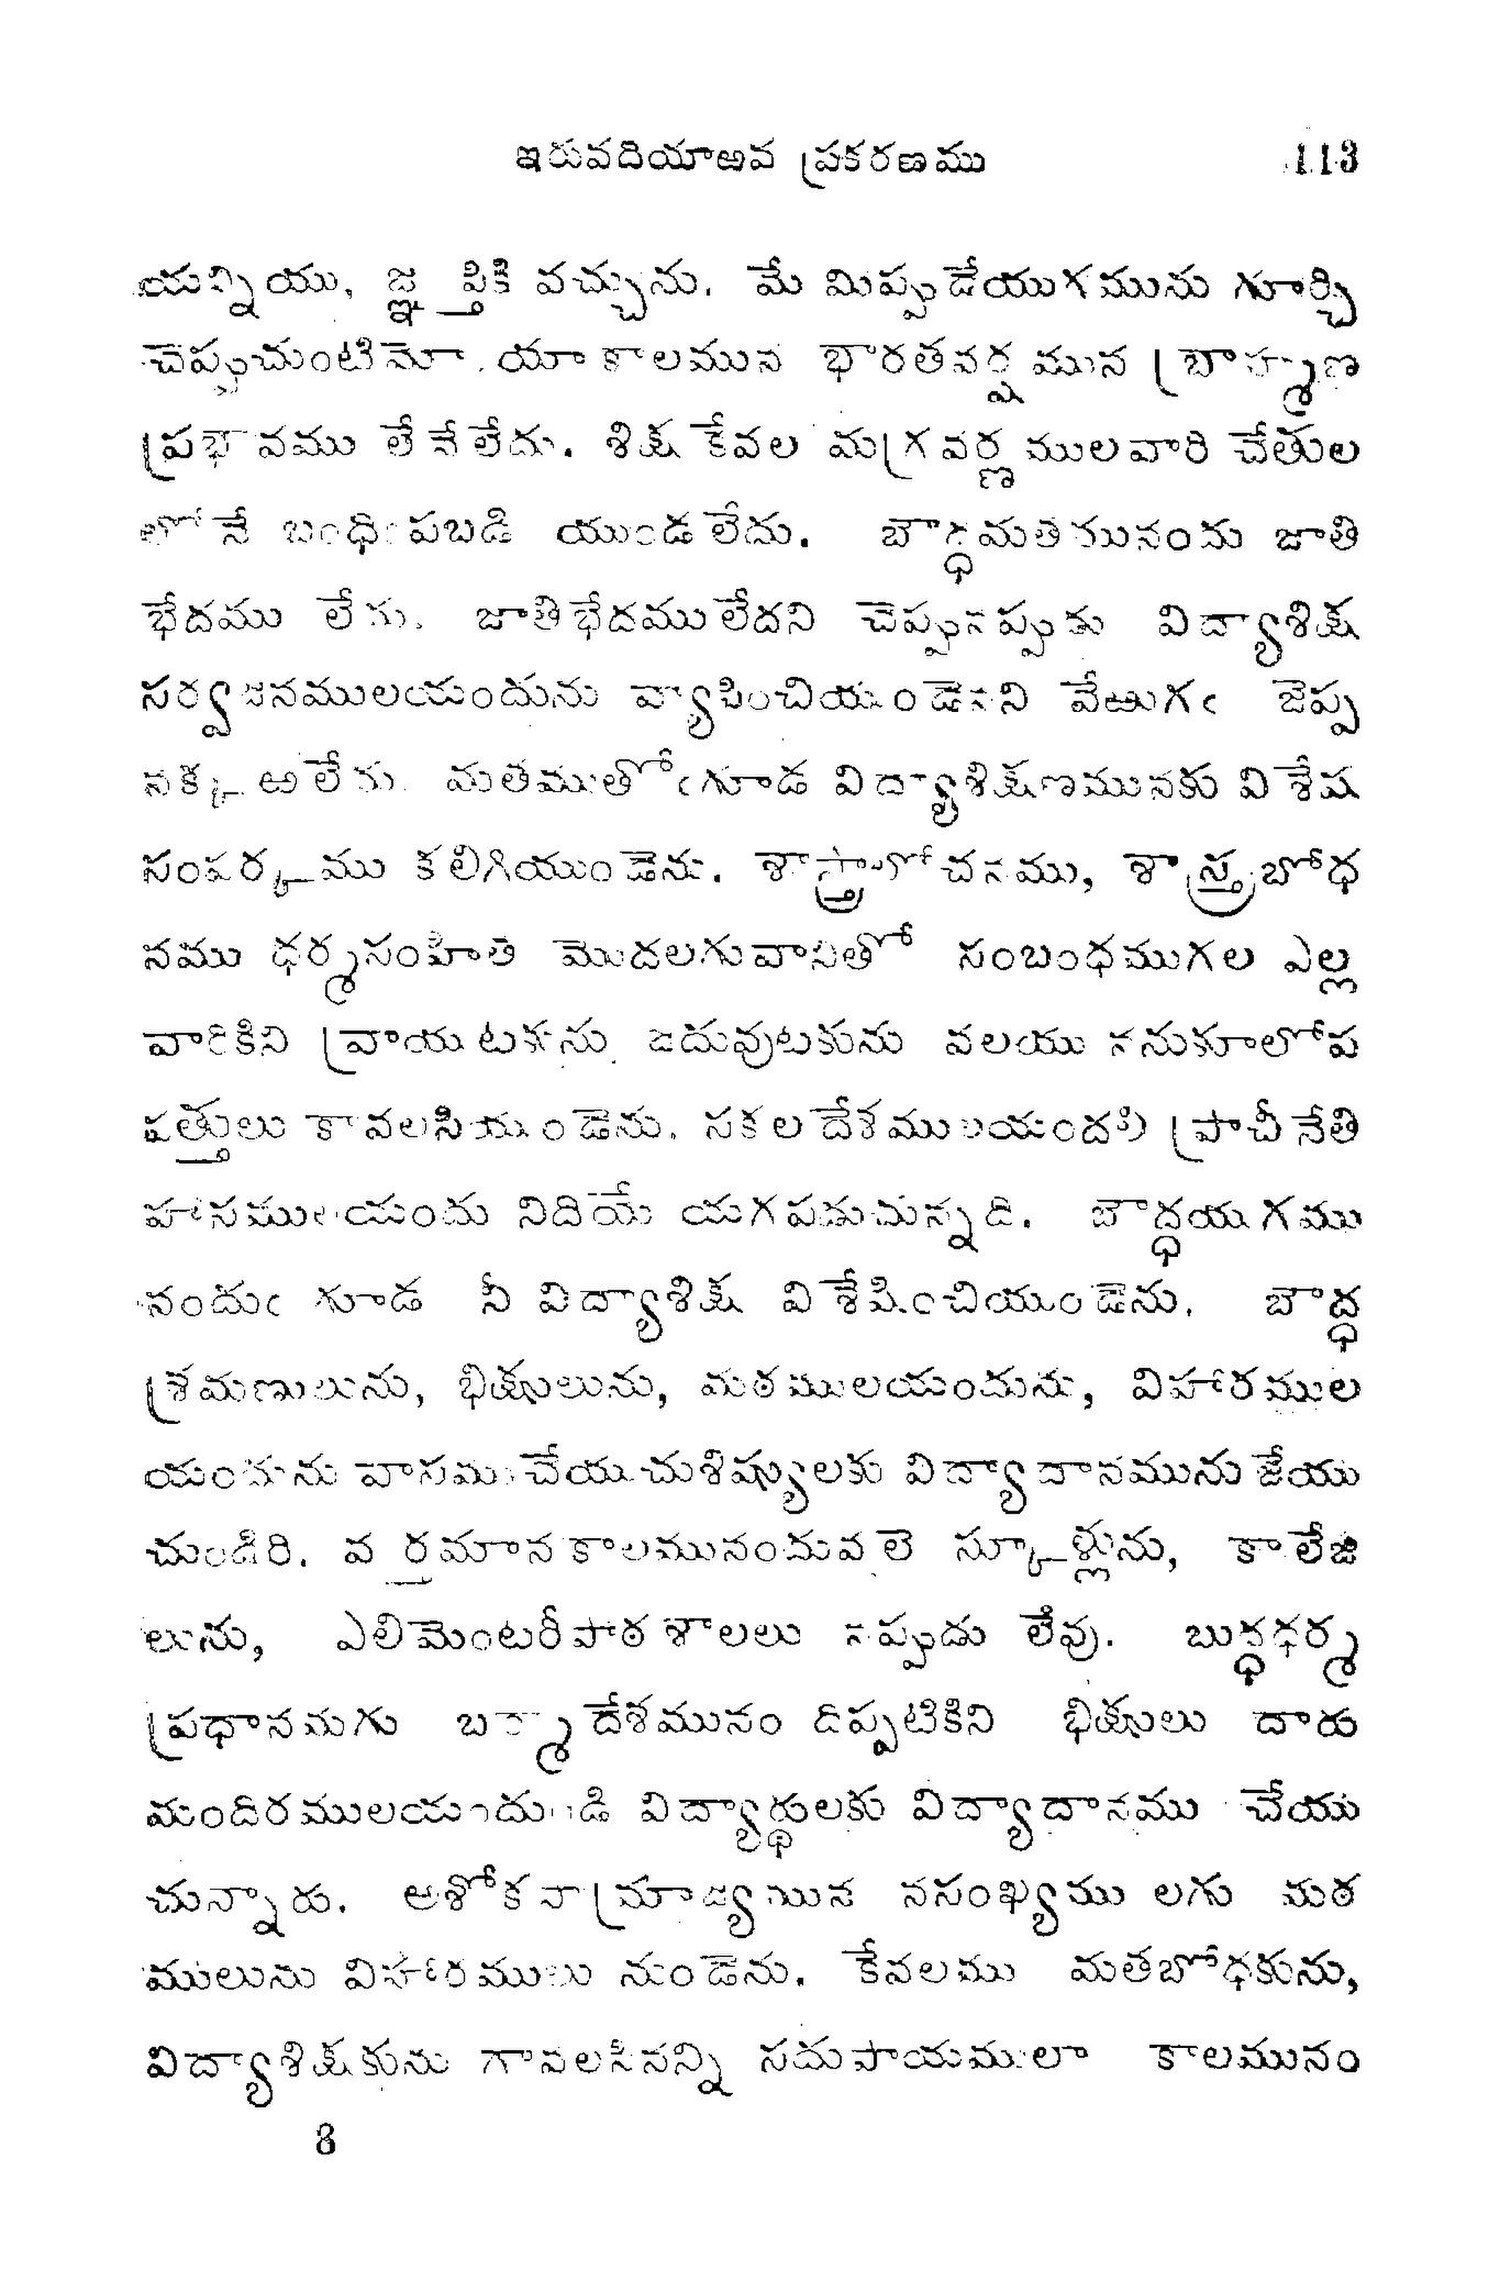యన్నియు, జ్ఞప్తికి వచ్చును. మే మిప్పుడేయుగమును గూర్చి చెప్పుచుంటిమో, యాకాలమున భారతవర్షమున బ్రాహ్మణ ప్రభావము లేనే లేదు. శిక్ష కేవల మగ్ర వర్ణముల వారి చేతులలోనే బంధింపబడి యుండ లేదు. బౌద్ధమతమునందు జాతి భేదము లేదు, జాతి భేదము లేదని చెప్పునప్పుడు విద్యాశిక్ష సర్వజనములయందును వ్యాపించియుండెనని వేఱుగఁ జెప్పనక్కఱ లేదు. మతముతోఁ గూడ విద్యాశిక్షణము నకు విశేష సంపర్కము కలిగియుండెను. శాస్త్రా లోచనము, శాస్త్ర బోధనము ధర్మసంహిత మొదలగు వానితో సంబంధముగల ఎల్లవారికిని వ్రాయటకును. జదువుటకును వలయు ననుకూలోపపత్తులు కావలసియుండెను. సకల దేశము లయందలి ప్రాచీ నేతి హాసముల యందు నిదియే యగపడు చున్నది. బౌద్ధయుగము
నందుఁ గూడ నీ విద్యాశిక్ష విశేషించియుండెను, బౌద్ధ శ్రమణులును, భిక్షులును, మఠములయందును, విహారముల యందును వాసము చేయు చుశిష్యులకు విద్యా దానమును జేయు చుండిరి. వర్తమాన కాలమునందువ లె స్కూళ్లును, కాలేజిలను, ఎలిమెంటరీ పాఠ శాలలు నప్పుడు లేవు. బుద్ధధర్మ ప్రధాన మగు బర్మా దేశమునం దిప్పటికిని భిక్షులు దారు
మందిరములయందుండి విద్యార్థులకు విద్యా దానము చేయుచున్నారు. ఆశోక సామ్రాజ్య మున నసంఖ్యము లగు మఠములుగు విహారములు నుండెను. కేవలము మతబోధకును, విద్యాశిక్షకును గావలసినన్ని సదుపాయములా కాలమునం